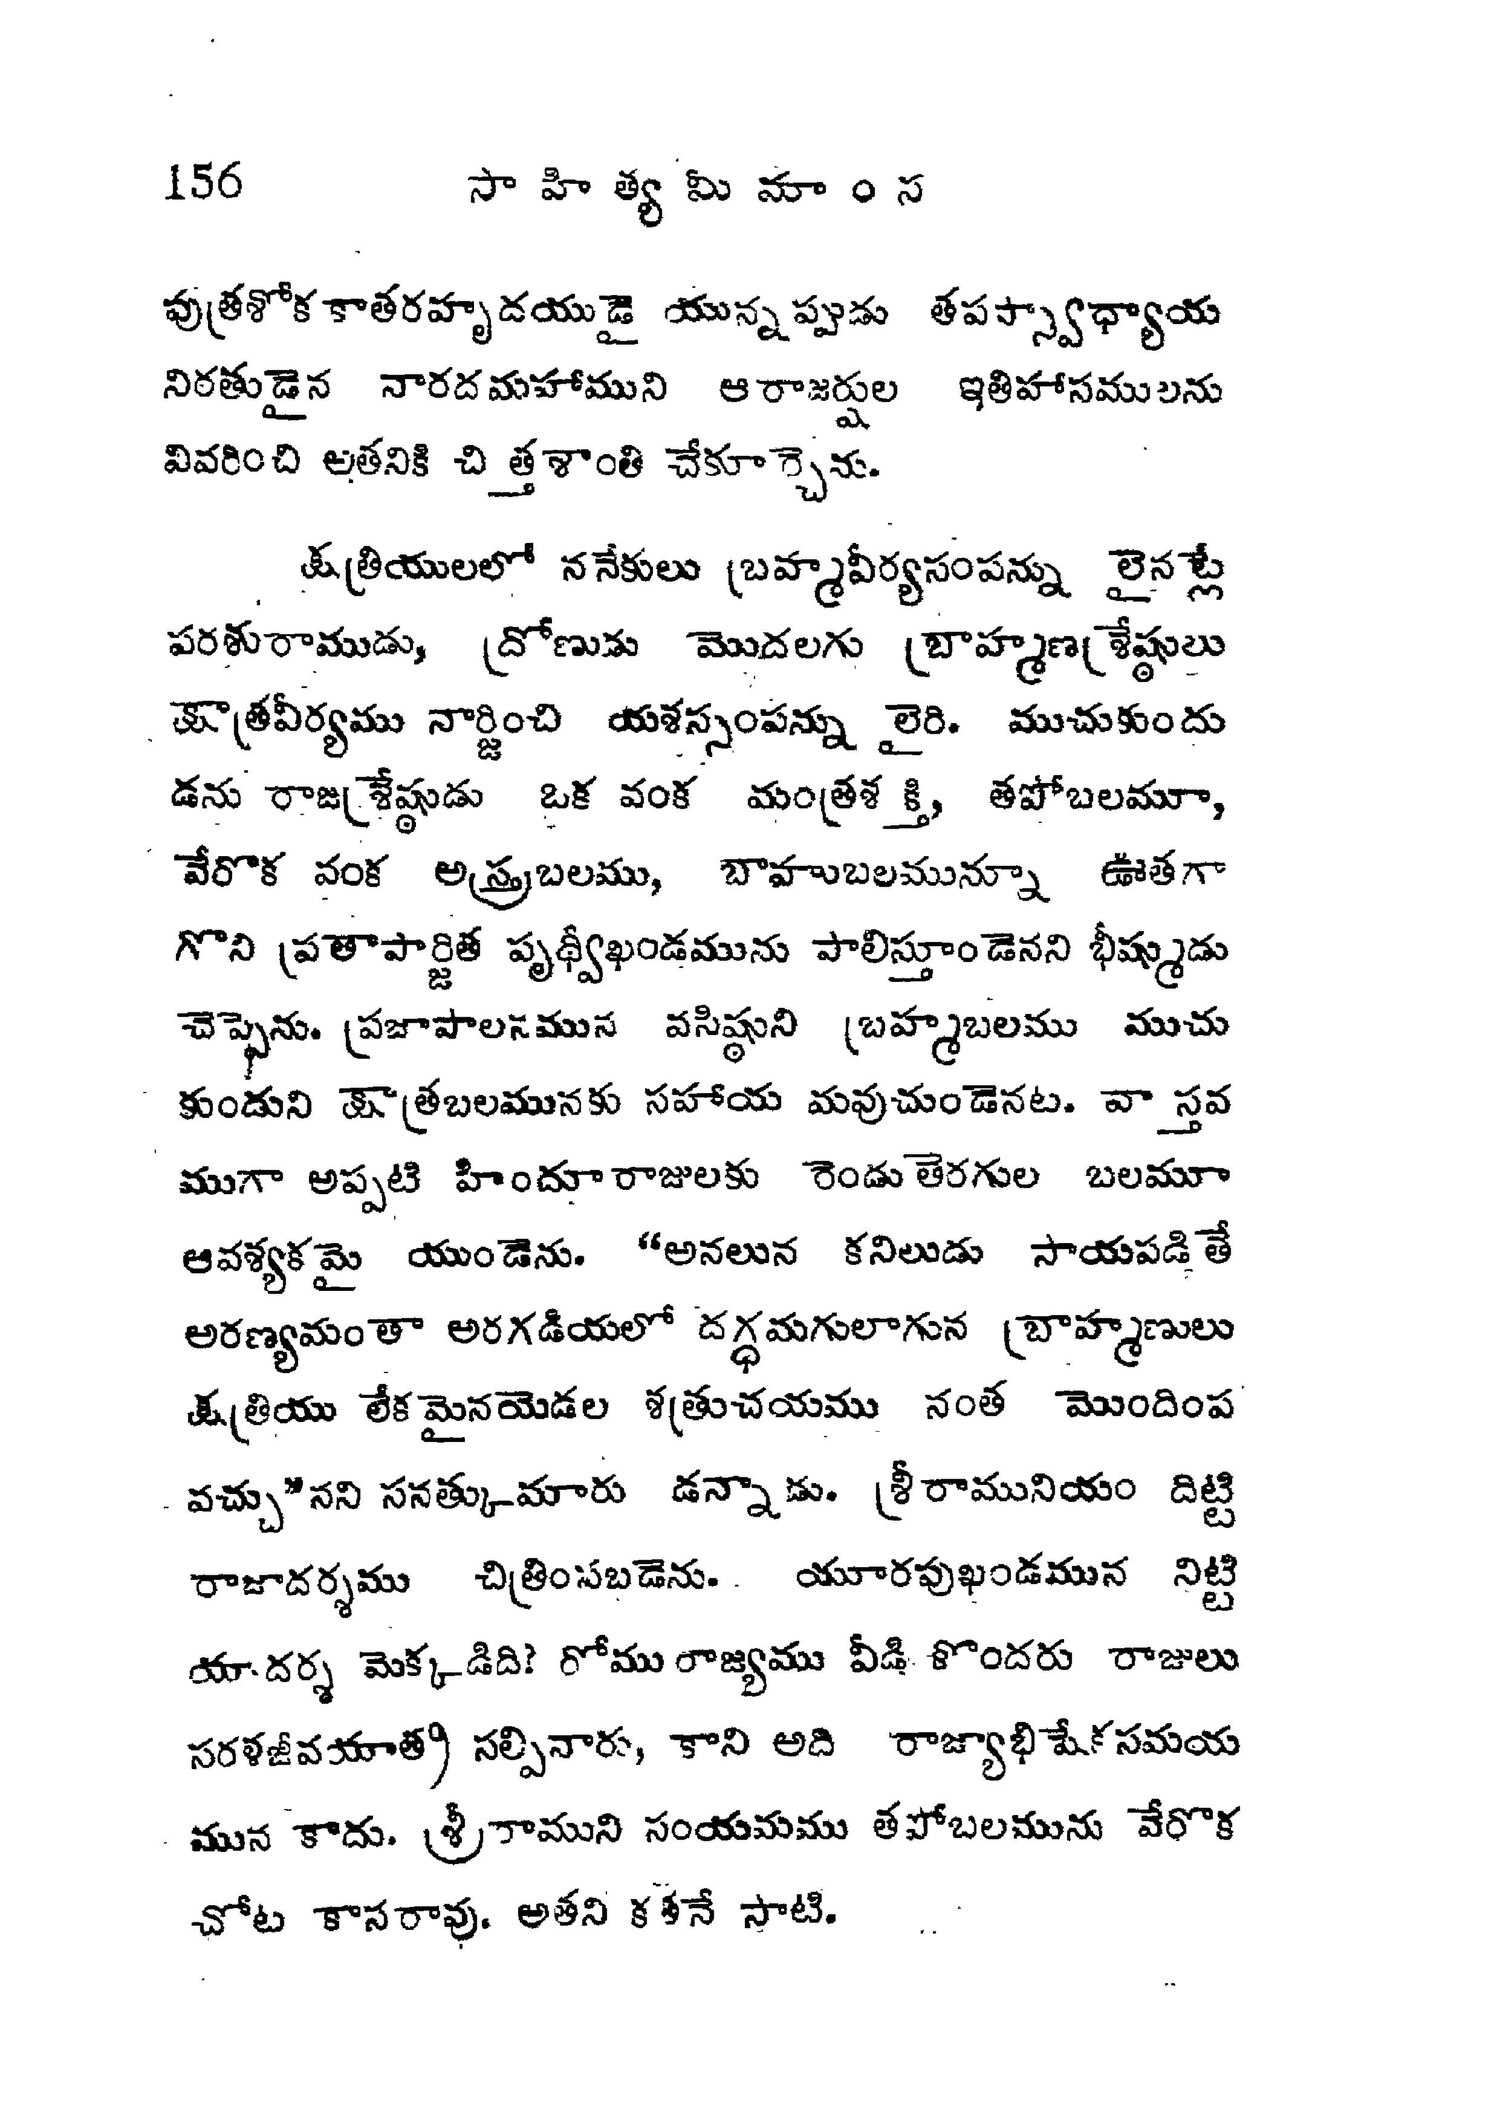పుత్రశోక కాతరహృదయుడై యున్నప్పుడు తపస్స్వాధ్యాయ నిరతుడైన నారదమహాముని ఆరాజర్షుల ఇతిహాసములను వివరించి అతనికి చిత్తశాంతి చేకూర్చెను.

క్షత్రియులలో ననేకులు బ్రహ్మవీర్యసంపన్ను లైనట్లే పరశురాముడు, ద్రోణుడు మొదలగు బ్రాహ్మణశ్రేష్ఠులు క్షాత్రవీర్యము నార్జించి యశస్సంపన్ను లైరి. ముచుకుందు డను రాజశ్రేష్ఠుడు ఒక వంక మంత్రశక్తి, తపోబలమూ, వేరొక వంక అస్త్రబలము, బాహుబలమున్నూ ఊతగా గొని ప్రతాపార్జిత పృథ్వీఖండమును పాలిస్తూండెనని భీష్ముడు చెప్పెను. ప్రజాపాలనమున వసిష్ఠుని బ్రహ్మబలము ముచుకుందుని క్షాత్రబలమునకు సహాయ మవుచుండెనట. వాస్తవముగా అప్పటి హిందూరాజులకు రెండుతెరగుల బలమూ ఆవశ్యకమై యుండెను. "అనలున కనిలుడు సాయపడితే అరణ్యమంతా అరగడియలో దగ్ధమగులాగున బ్రాహ్మణులు క్షత్రియు లేకమైనయెడల శత్రుచయము నంత మొందింప వచ్చు"నని సనత్కుమారు డన్నాడు. శ్రీరామునియం దిట్టి రాజాదర్శము చిత్రింపబడెను. యూరపుఖండమున నిట్టి యాదర్శ మెక్కడిది? రోము రాజ్యము వీడి కొందరు రాజులు సరళజీవయాత్ర సల్పినారు, కాని అది రాజ్యాభిషేకసమయమున కాదు. శ్రీరాముని సంయమము తపోబలమును వేరొకచోట కానరావు. అతని కతనే సాటి.